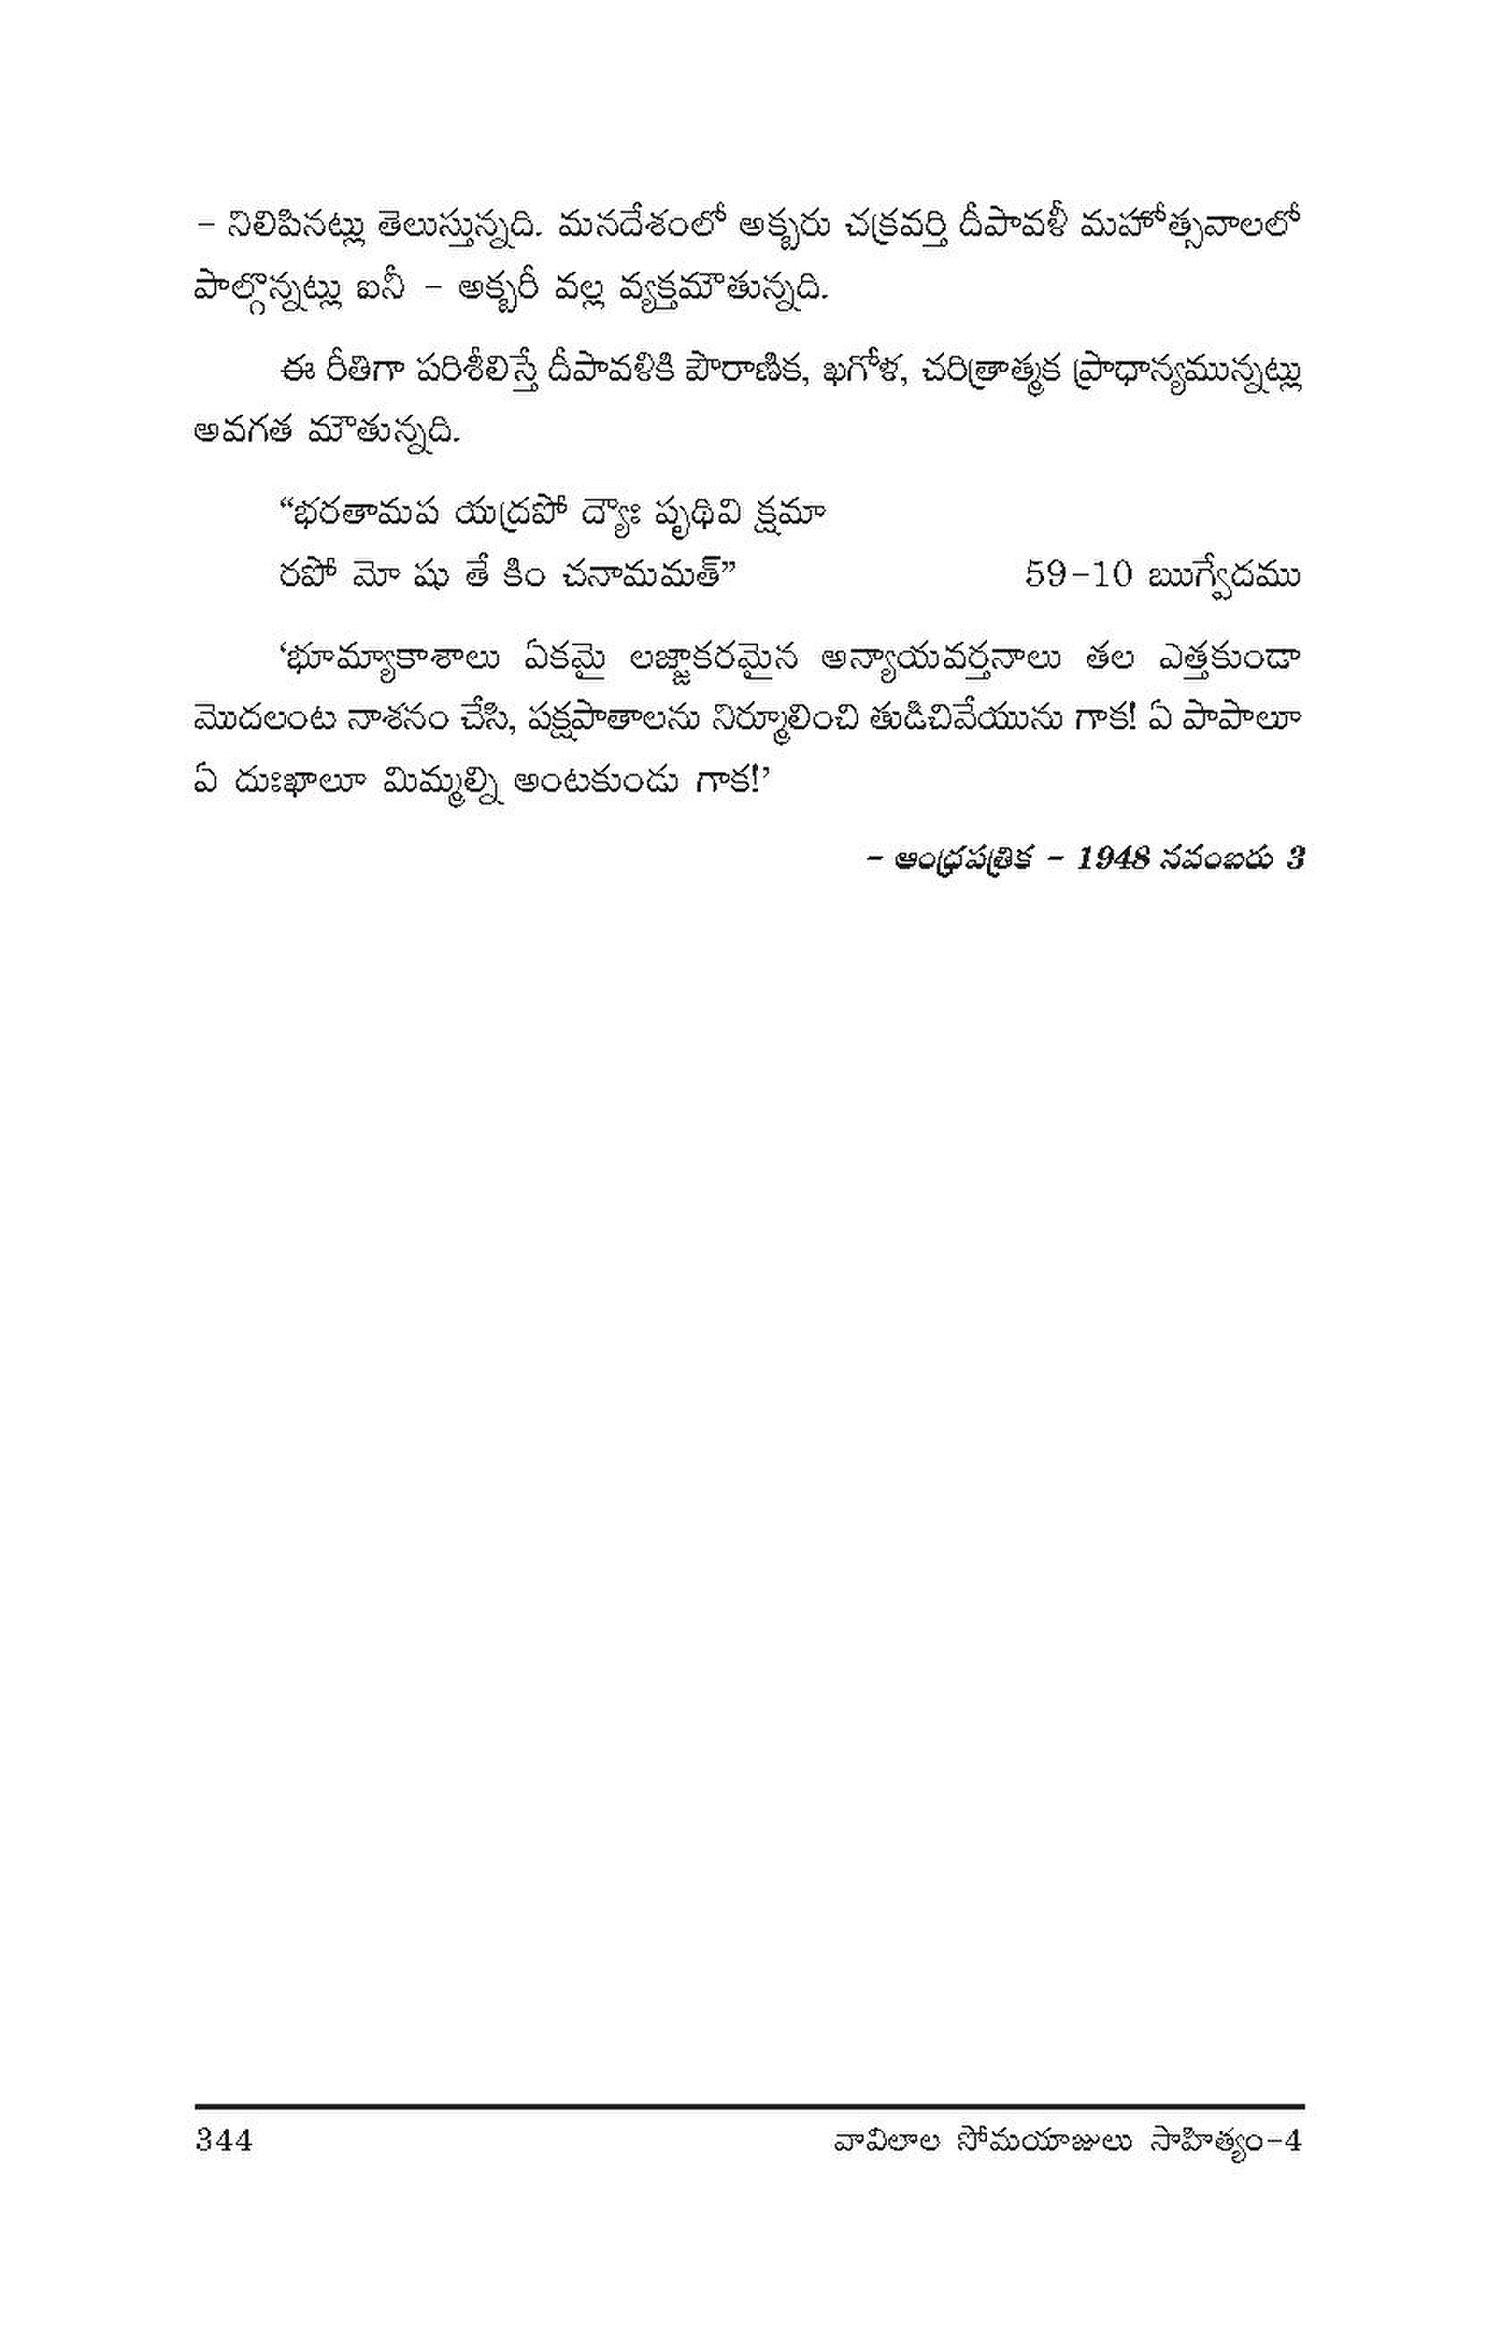- నిలిపినట్లు తెలుస్తున్నది. మనదేశంలో అక్బరు చక్రవర్తి దీపావళీ మహోత్సవాలలో
పాల్గొన్నట్లు ఐనీ - అక్బరీ వల్ల వ్యక్తమౌతున్నది.

ఈ రీతిగా పరిశీలిస్తే దీపావళికి పౌరాణిక, ఖగోళ, చరిత్రాత్మక ప్రాధాన్యమున్నట్లు
అవగత మౌతున్నది.

 "భరతామప యద్రపో ద్యౌః పృథివి క్షమా
 రపో మో షు తే కిం చనామమత్"
 59-10 ఋగ్వేదము

'భూమ్యాకాశాలు ఏకమై లజ్జాకరమైన అన్యాయవర్తనాలు తల ఎత్తకుండా
మొదలంట నాశనం చేసి, పక్షపాతాలను నిర్మూలించి తుడిచివేయును గాక! ఏ పాపాలూ
ఏ దుఃఖాలూ మిమ్మల్ని అంటకుండు గాక!'